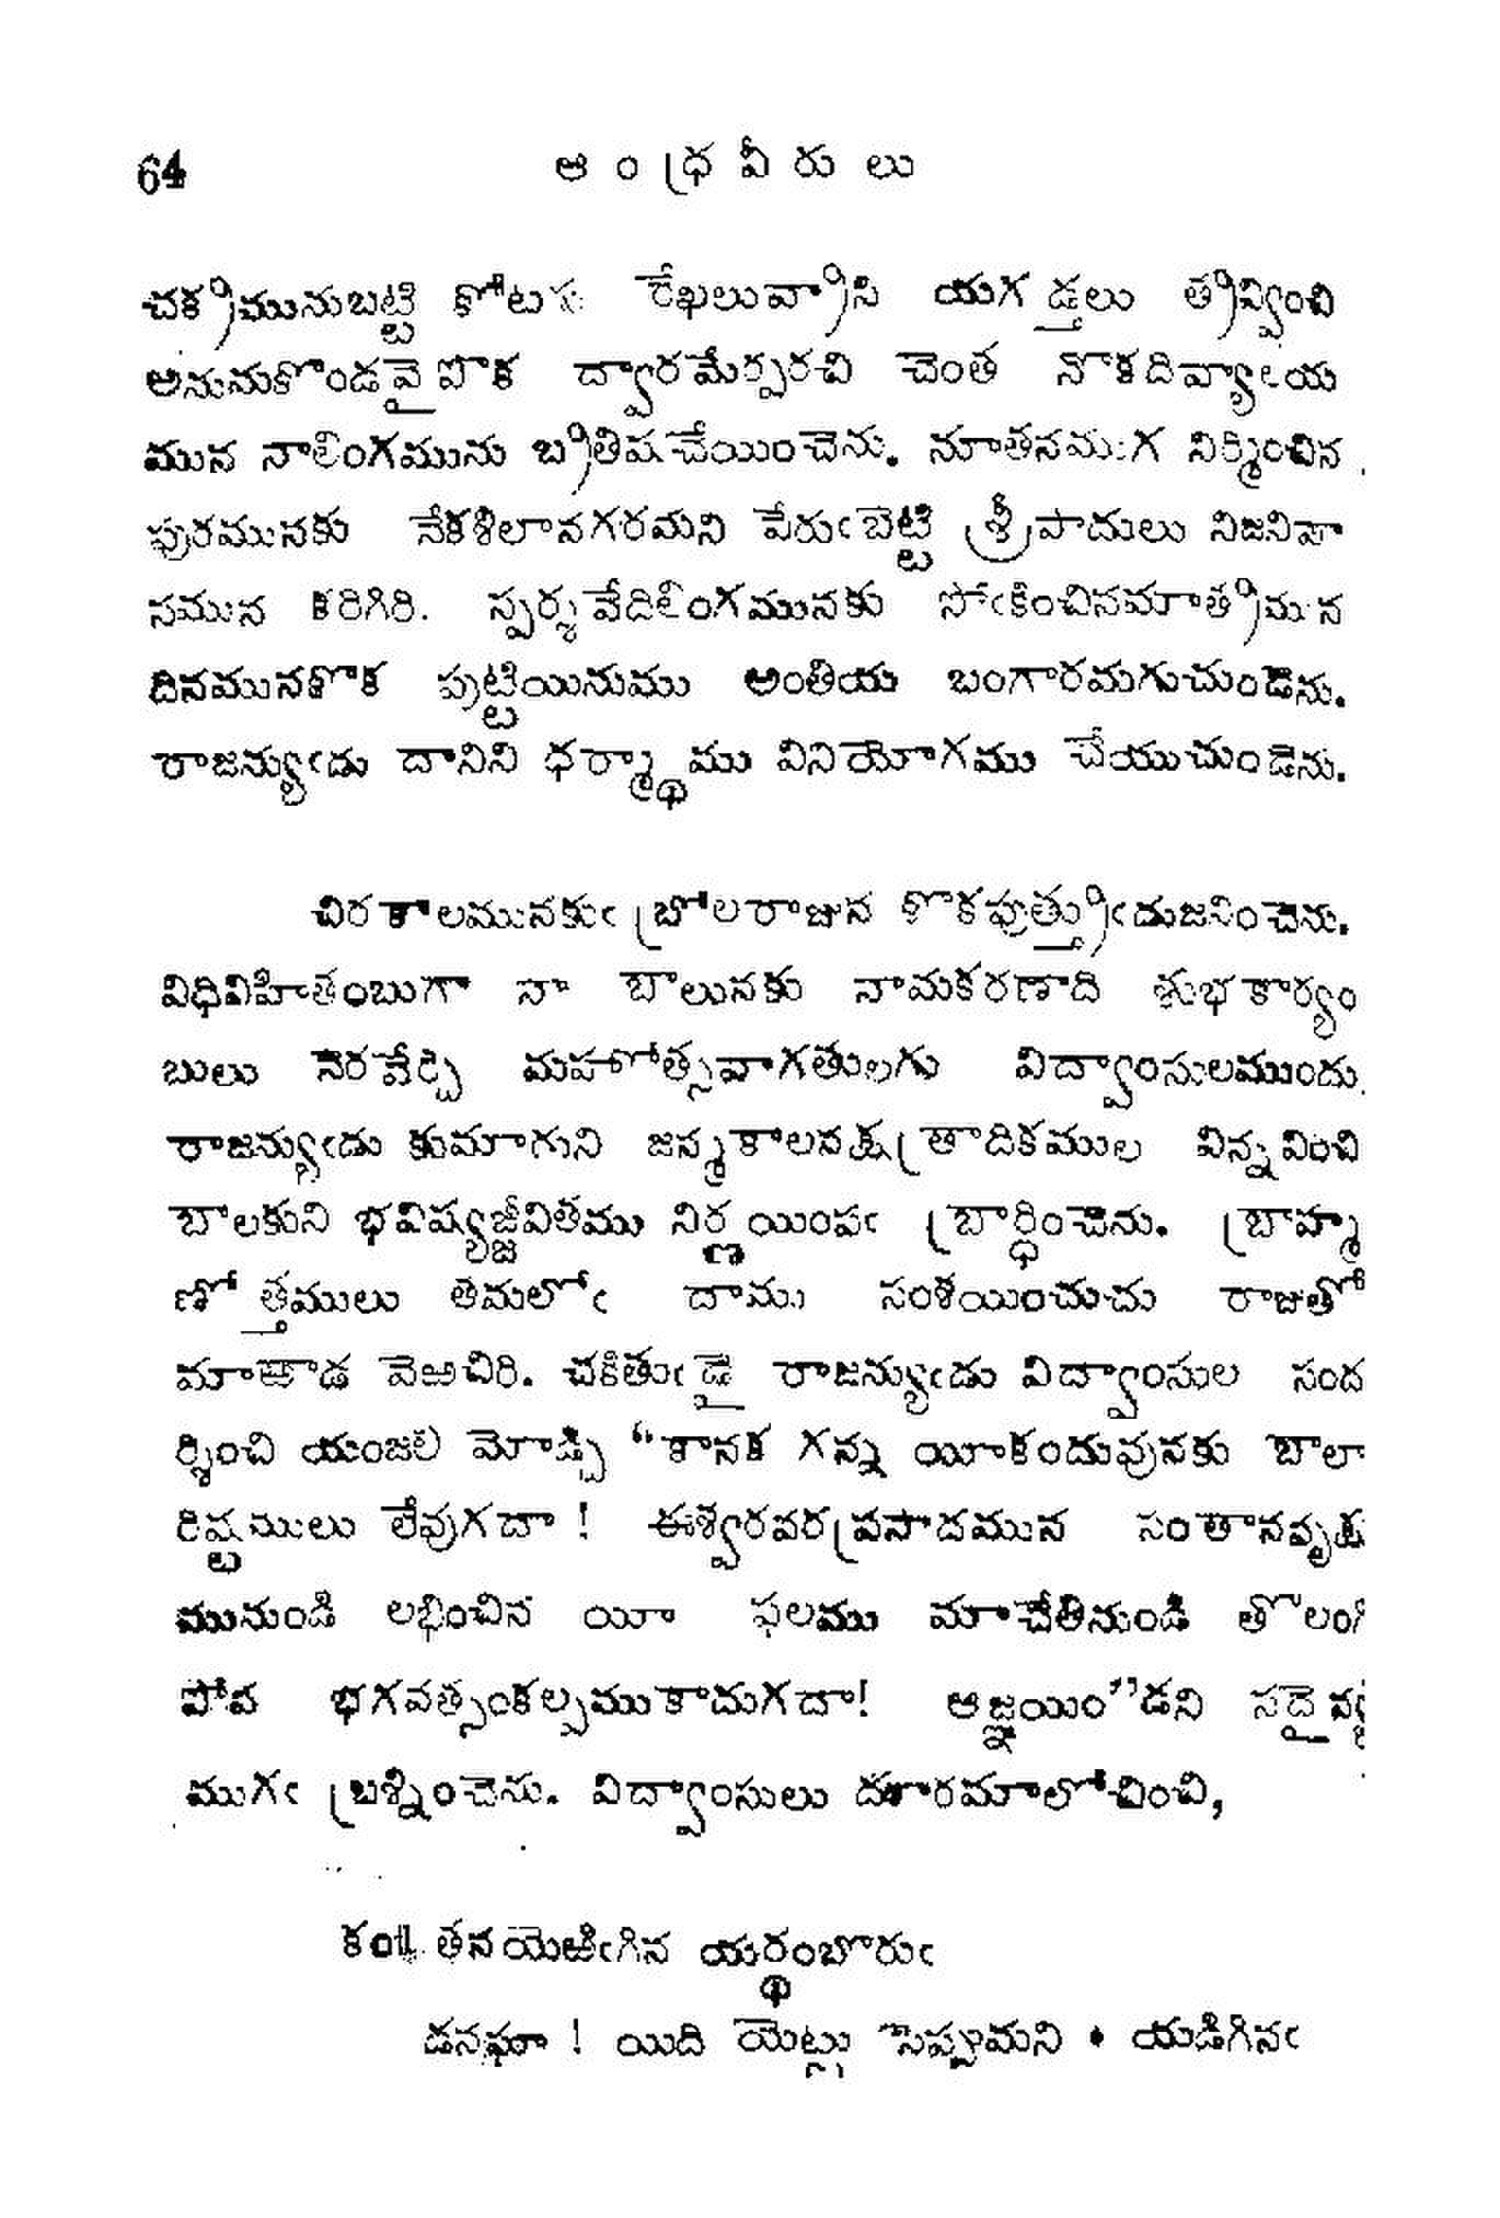చక్రమునుబట్టి కోటకు రేఖలువ్రాసి యగడ్తలు త్రవ్వించి అనుమకొండవైపొక ద్వారమేర్పరచి చెంత నొకదివ్యాలయమున నాగలింగమును బ్రతిషచేయించెను. నూతనముగ నిర్మించిన పురమునకు నేకశిలానగరమని పేరు బెట్టి శ్రీపాదులు నిజనివాసమున కరిగిరి. స్పర్శవేదలింగమునకు సోకించినమాత్రమున దినమునకొక పుట్టియినుము అంతియ బంగారుమగుచుండెను. రాజన్యుడు దానిని ధర్మార్థము వినియోగము చేయుచుండెను.

చిరకాలమునకు బ్రోలరాజున కొకపుత్రుడుజనించెను. విధివిహితంబుగా నా బాలునకు నామకరణాది శుభకార్యంబులు నెరవేర్చి మహోత్సవాగతులకు విద్వాంసులముందు రాజన్యుడు కుమారుని జన్మకాలనక్షత్రాదికముల విన్నవించి బాలకుని భవిష్యజ్జీవితము నిర్ణయింప బ్రార్థించెను. బ్రాహ్మణోత్తములు తమలో దాము సంశయించుచు రాజుతో మాఱాడ వెఱచిరి. చకితుడై రాజన్యుడు విద్వాంసుల సందర్శించి యంజలి మోడ్చి "కానక గన్న యీకందువునకు బాలారిష్టములు లేవుగదా! ఈశ్వరవరప్రసాదమున సంతానవృక్షమునుండి లభించిన యీ ఫలము మాచేతినుండి తొలంగిపోవ భగవత్సంకల్పముకాదుగదా! ఆజ్ఞయిం"డని సదైన్యముగ బ్రశ్నించెను. విద్వాంసులు దూరమాలోచించి,

కం|| తనయెఱిగిన యర్థంబొరు
 డనఘా! యిది యెట్లు సెప్పుమని యడిగిన